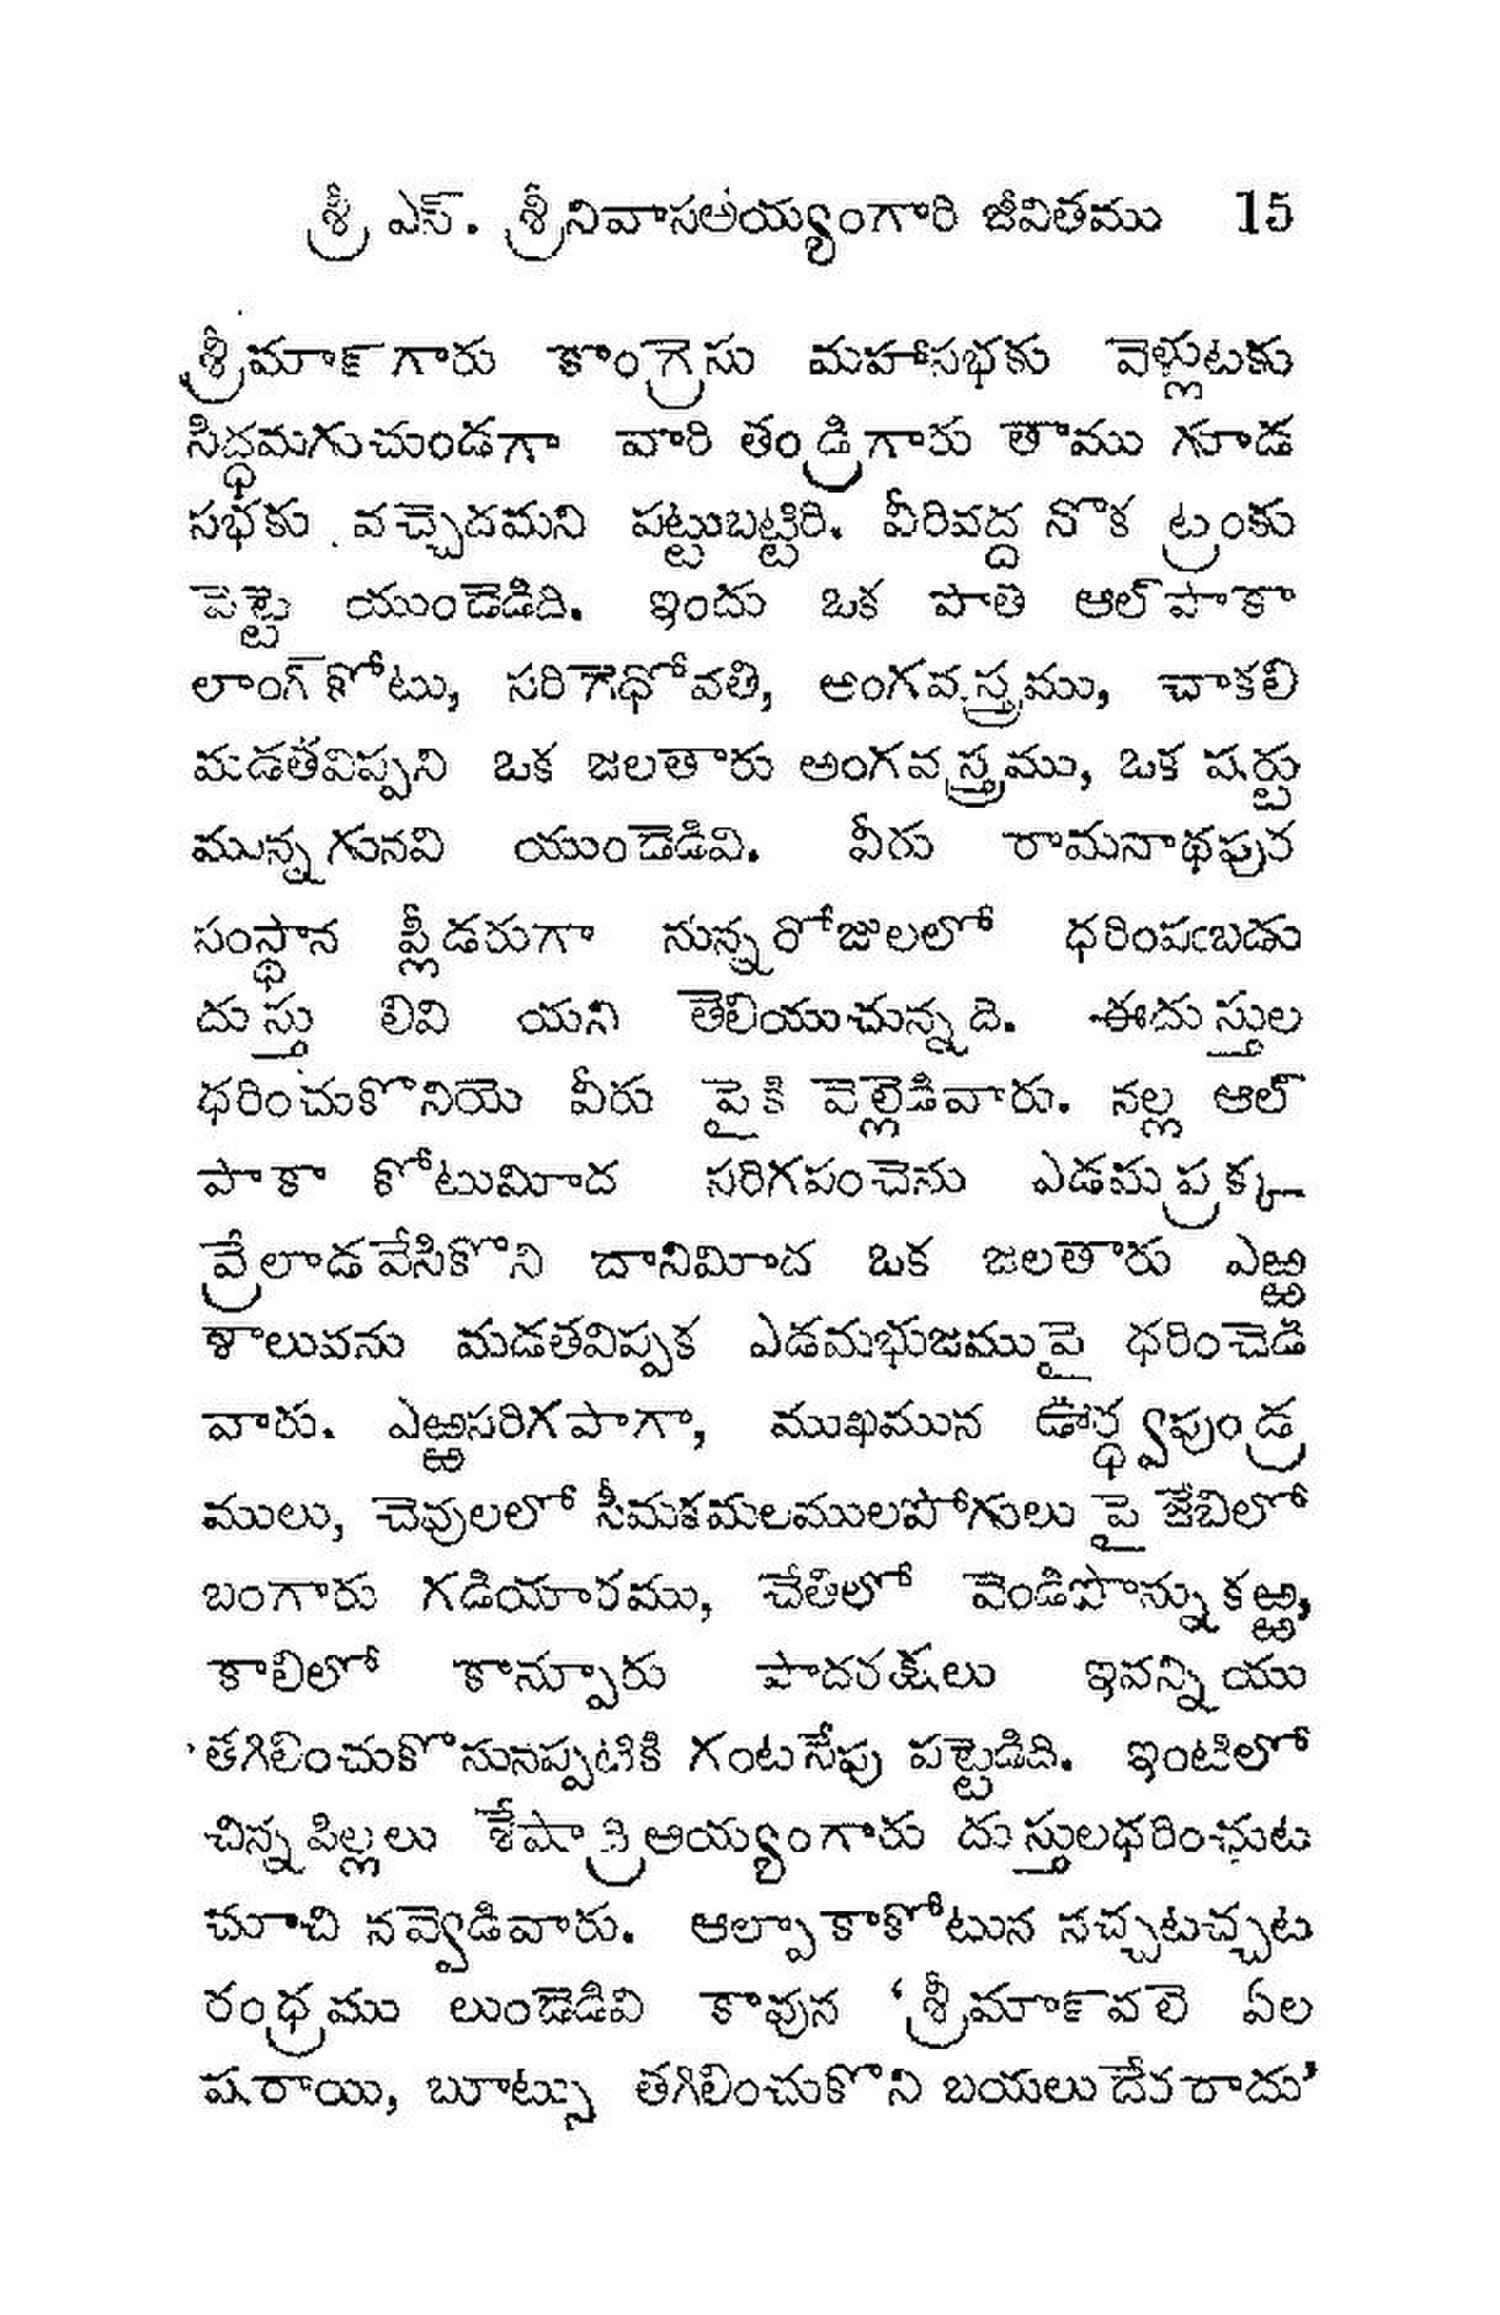శ్రీమా౯గారు కాంగ్రెసు మహాసభకు వెళ్లుటకు సిద్ధమగుచుండగా వారి తండ్రిగారు తాము గూడ సభకు వచ్చెదమని పట్టుబట్టిరి. వీరివద్ద నొక ట్రంకుపెట్టె యుండెడిది. ఇందు ఒక పాత ఆల్‌పాకా లాంగ్‌కోటు, సరిగెధోవతి, అంగవస్త్రము, చాకలి మడతవిప్పని ఒక జలతారు అంగవస్త్రము, ఒక షర్టు మున్నగునవి యుండెడివి. వీరు రామనాథపుర సంస్థాన ప్లీడరుగా నున్నరోజులలో ధరింపఁబడు దుస్తు లివి యని తెలియుచున్నది. ఈదుస్తుల ధరించుకొనియె వీరు పైకి వెల్లెడివారు. నల్ల ఆల్‌పాకా కోటుమీద సరిగపంచెను ఎడమప్రక్క వ్రేలాడవేసికొని దానిమీద ఒక జలతారు ఎఱ్ఱ శాలువను మడతవిప్పక ఎడమభుజముపై ధరించెడివారు. ఎఱ్ఱసరిగపాగా, ముఖమున ఊర్థ్వపుండ్రములు, చెవులలో సీమకమలములపోగులు పై జేబిలో బంగారు గడియారము, చేతిలో వెండిపొన్నుకఱ్ఱ , కాలిలో కాన్పూరు పాదరక్షలు ఇవన్నియు తగిలించుకొనునప్పటికి గంటసేపు పట్టెడిది. ఇంటిలో చిన్నపిల్లలు 'శేషాద్రిఅయ్యంగారు దుస్తులధరించుట చూచి నవ్వెడివారు. ఆల్పాకాకోటున నచ్చటచ్చట రంధ్రము లుండెడివి కావున 'శ్రీమా౯వలె ఏల షరాయి, బూట్సు తగిలించుకొని బయలుదేరరాదు'